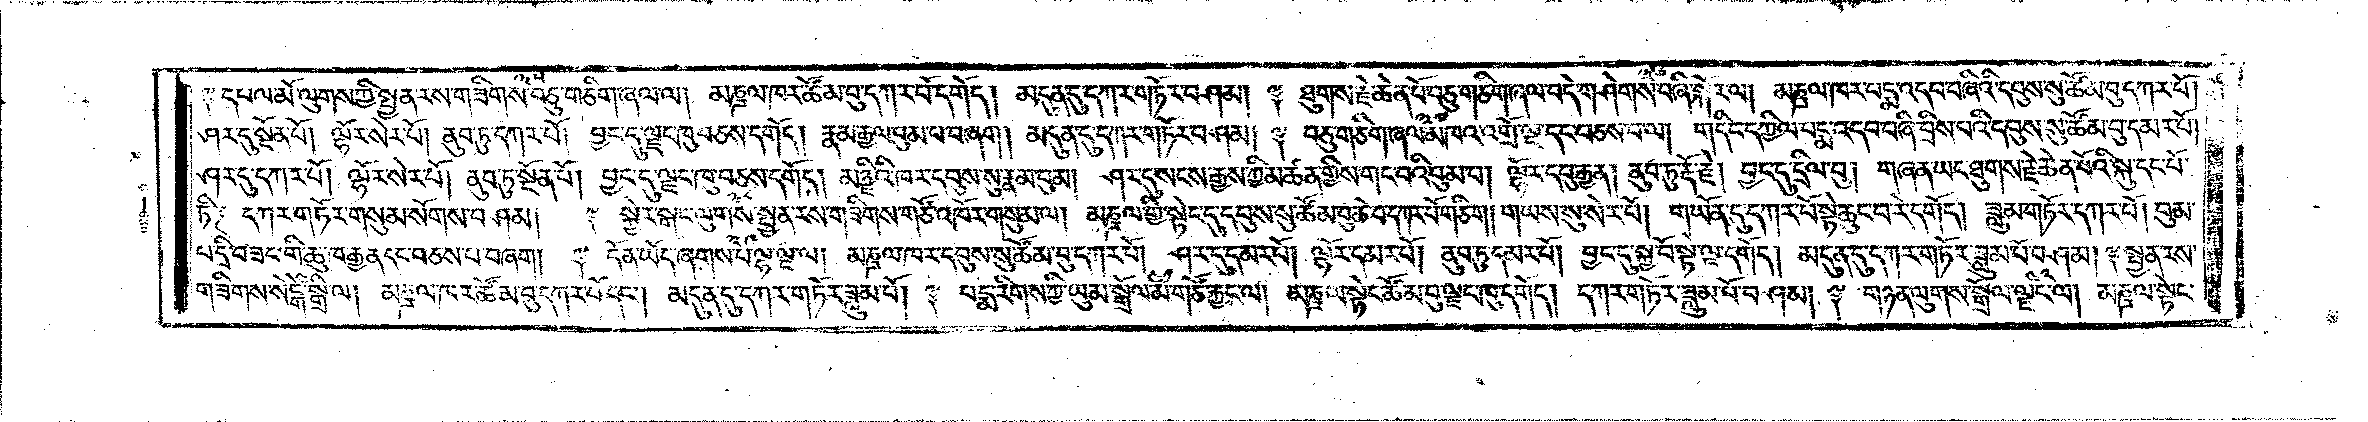༈ དཔལ་མོ་ལུགས་ཀྱི་སྤྱན་རས་གཟིགས་བཅུ་གཅིག་ཞལ་ལ། མཎྜལ་ཁར་ཚོམ་བུ་དཀར་པོ་དགོད། མདུན་དུ་དཀར་གཏོར་བཤམ། ༈ ཐུགས་རྗེ་ཆེན་པོ་བཅུ་གཅིག་ཞལ་བདེ་གཤེགས་བཞི་སྐོར་ལ། མཎྜལ་ཁར་པདམ་འདབ་བཞིའི་དབུས་སུ་ཚོམ་བུ་དཀར་པོ་
ཤར་དུ་སྔོན་པོ། ལྷོར་སེར་པོ། ནུབ་ཏུ་དཀར་པོ། བྱང་དུ་ལྗང་ཁུ་བཅས་དགོད། རྣམ་རྒྱལ་བུམ་པ་བཞག ། མདུན་དུ་དཀར་གཏོར་བཤམ། ༈ བཅུ་གཅིག་ཞལ་མཁའ་འགྲོ་ལྔ་དང་བཅས་པ་ལ། གདིང་དཀྱིལ་པདམ་འདབ་བཞི་བྲིས་པའི་དབུས་སུ་ཚོམ་བུ་དམར་པོ།
ཤར་དུ་དཀར་པོ། ལྷོར་སེར་པོ། ནུབ་ཏུ་སྔོན་པོ། བྱང་དུ་ལྗང་ཁུ་བཅས་དགོད། མཉྫིའི་ཁར་དབུས་སུ་རྣམ་བུམ། ཤར་དུ་སངས་རྒྱས་ཀྱི་མཚན་གྱིས་གང་བའི་བུམ་པ། ལྷོར་དབུ་རྒྱན། ནུབ་ཏུ་རྡོ་རྗེ། བྱང་དུ་དྲིལ་བུ། གཞན་ཡང་ཐུགས་རྗེ་ཆེན་པོའི་སྐུ་དང་པོ་
ཏི༑ དཀར་གཏོར་གསུམ་སོགས་བཤམ། ༈ སྐྱེར་སྒང་ལུགས་སྤྱན་རས་གཟིགས་གཙོ་འཁོར་གསུམ་ལ། མཎྜལ་གྱི་སྟེང་དུ་དབུས་སུ་ཚོམ་བུ་ཆེ་བ་དཀར་པོ་གཅིག། གཡས་སུ་སེར་པོ། གཡོན་དུ་དཀར་པོ་སྟེ་ཆུང་བ་རེ་དགོད། ཟླུམ་གཏོར་དཀར་པོ། བུམ་
པ་དྲི་བཟང་གི་ཆུ་བརྒྱན་དང་བཅས་པ་བཞག ། ༈ དོན་ཡོད་ཞགས་པ་ལྷ་ལྔ་ལ། མཎྜལ་ཁར་དབུས་སུ་ཚོམ་བུ་དཀར་པོ། ཤར་དུ་དམར་པོ། ལྷོར་དམར་པོ། ནུབ་ཏུ་དམར་པོ། བྱང་དུ་སྐྱ་བོ་སྟེ་ལྔ་དགོས། མདུན་དུ་དཀར་གཏོར་ཟླུམ་པོ་བཤམ། ༈ སྤྱན་རས་
གཟིགས་སེངྒེ་སྒྲི་ལ། མཎྜལ་ཁར་ཚོམ་བུ་དཀར་པོ་དང་། མདུན་དུ་དཀར་གཏོར་ཟླུམ་པོ། ༈ པདམ་རིགས་ཀྱི་ཡུམ་སྒྲོལ་མ་གཙོ་རྐྱང་ལ། མཎྜལ་སྟེང་ཚོམ་བུ་ལྗང་ཁུ་དགོད། དཀར་གཏོར་ཟླུམ་པོ་བཤམ། ༈ གཉན་ལུགས་སྒྲོལ་ལྗང་ལ། མཎྜལ་སྟེན་